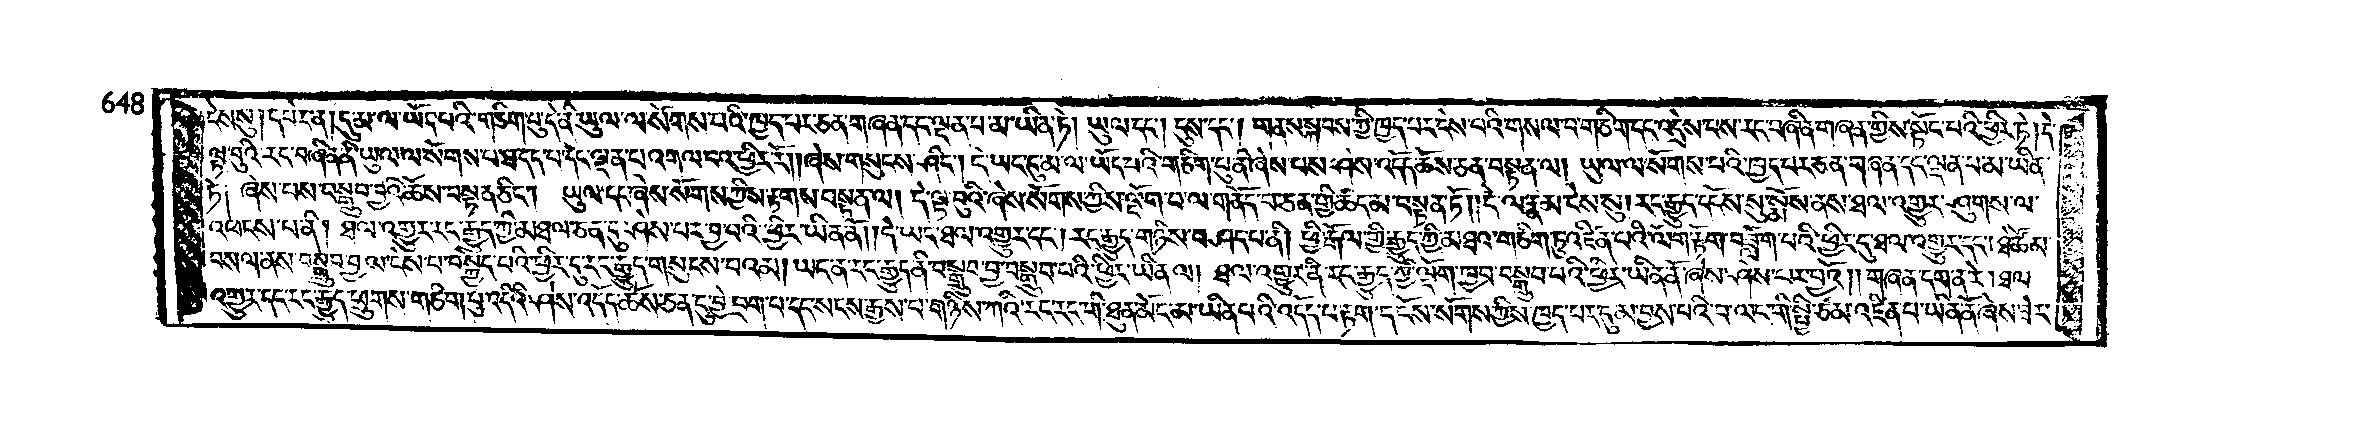ངེས་སུ། དཔེར་ན། དུ་མ་ལ་ཡོད་པའི་གཅིག་པུ་དེ་ནི་ཡུལ་ལ་སོགས་པའི་ཁྱད་པར་ཅན་གཞན་དང་ལྡན་པ་མ་ཡིན་ཏེ། ཡུལ་དང་། དུས་དང་། གནས་སྐབས་ཀྱི་ཁྱད་པར་ངེས་པའི་གསལ་བ་གཅིག་དང་འདྲེས་པས་རང་བཞིན་གཞན་གྱིས་སྟོང་བའི་ཕྱིར་ཏེ། དེ་
ལྟ་བུའི་རང་བཞིན་ནི་ཡུལ་ལ་སོགས་པ་ཐ་དད་པ་དང་ལྡན་པ་འགལ་བའི་ཕྱིར་རོ། །ཞེས་གསུངས་ཤིང་། དེ་ཡང་དུ་མ་ལ་ཡོད་པའི་གཅིག་པུ་ནི་ཞེས་པས་ཤེས་འདོད་ཆོས་ཅན་བསྟན་ལ། ཡུལ་ལ་སོགས་པའི་ཁྱད་པར་ཅན་གཞན་དང་ལྡན་པ་མ་ཡིན་
ཏེ། ཞེས་པས་བསྒྲུབ་བྱའི་ཆོས་བསྟན་ཅིང་། ཡུལ་དང་ཞེས་སོགས་ཀྱིས་རྟགས་བསྟན་ལ། དེ་ལྟ་བུའི་ཞེས་སོགས་ཀྱིས་ལྡོག་པ་ལ་གནོད་པ་ཅན་གྱི་ཚད་མ་བསྟན་ཏོ། །དེ་ལ་རྣམ་ངེས་སུ། རང་རྒྱུད་དངོས་སུ་སྨོས་ནས་ཐལ་འགྱུར་ཤུགས་ལ་
འཕངས་པ་ནི། ཐལ་འགྱུར་རང་རྒྱུད་ཀྱི་མཐལ་ཅན་དུ་ཤེས་པར་བྱ་བའི་ཕྱིར་ཡིན་ནོ། །དེ་ཡང་ཐལ་འགྱུར་དང་། རང་རྒྱུད་གཉིས་བཤད་པ་ནི། ཕྱི་རྒོལ་གྱི་རྒྱུད་ཀྱི་མཐའ་གཅིག་ཏུ་འཛིན་པའི་ལོག་རྟོག་བཟློག་པའི་ཕྱིར་དུ་ཐལ་འགྱུར་དང་། ཐེ་ཚོམ་
བསལ་ནས་བསྒྲུབ་བྱ་ལ་ངེས་པ་བསྐྱེད་པའི་ཕྱིར་དུ་རང་རྒྱུད་གསུངས་པའམ། ཡང་ན་རང་རྒྱུད་ནི་བསྒྲུབ་བྱ་བསྒྲུབ་པའི་ཕྱིར་ཡིན་ལ། ཐལ་འགྱུར་ནི་རང་རྒྱུད་ཀྱི་ལྡོག་ཁྱབ་བསྒྲུབ་པའི་ཕྱིར་ཡིན་ནོ་ཞེས་ཤེས་པར་བྱའོ། །གཞན་དག་ན་རེ། ཐལ་
འགྱུར་དང་རང་རྒྱུད་ཕྲུགས་གཅིག་པུ་འདིའི་ཤེས་འདོད་ཆོས་ཅན་དུ་བྱེ་བྲག་པ་དང་སངས་རྒྱས་པ་གཉིས་ཀའི་རང་རང་གི་ཐུན་མོང་མ་ཡིན་པའི་འདོད་པ་རྟག་དངོས་སོགས་ཀྱིས་ཁྱད་པར་དུ་མ་བྱས་པའི་བ་ལང་གི་སྤྱི་ཙམ་འཛིན་པ་ཡིན་ནོ་ཞེས་ཟེར་